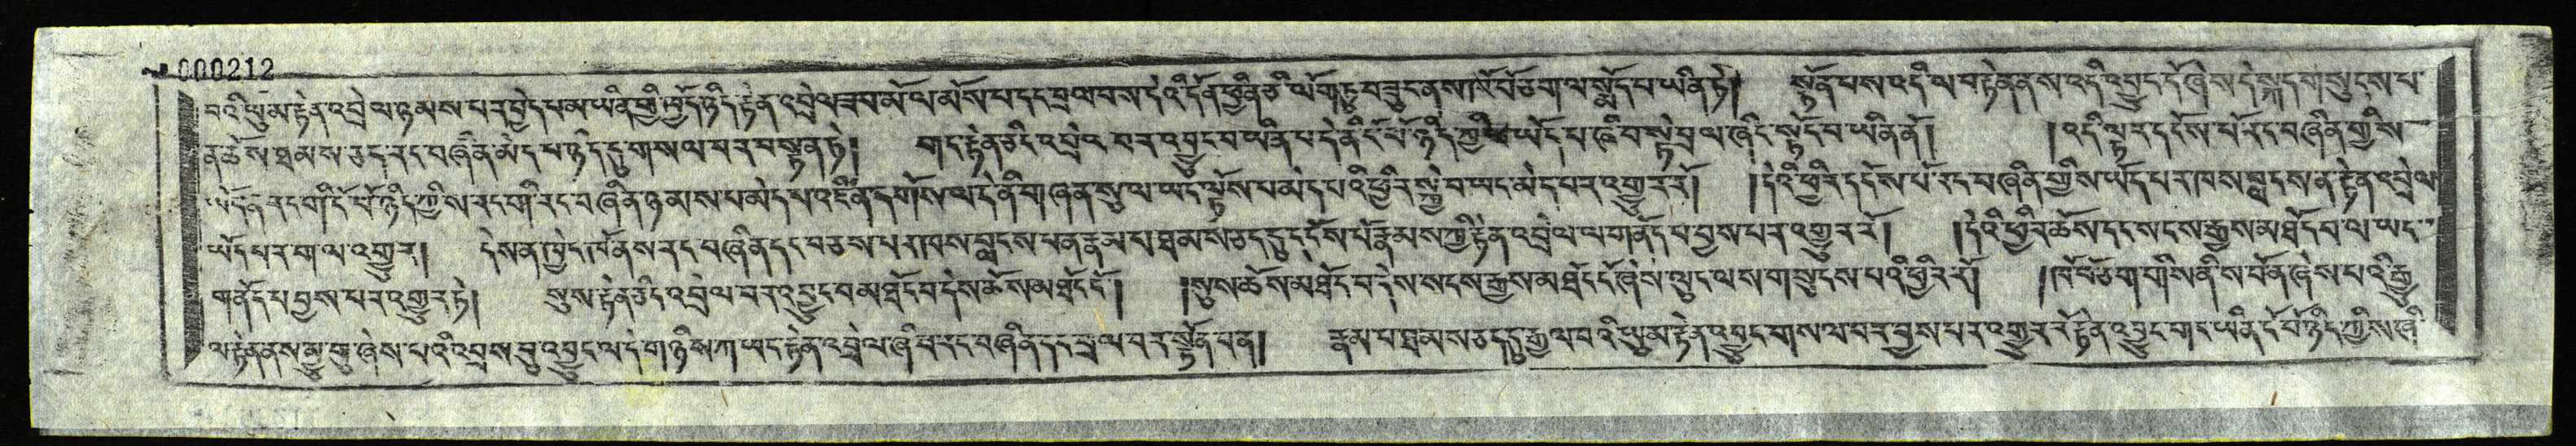བའི་ཡུམ་རྟེན་འབྲེལ་ཉམས་པར་བྱེད་པ་མ་ཡིན་གྱི་ཁྱོད་ཉིད་རྟེན་འབྲེལ་ཟབ་མོ་ལ་མོས་པ་དང་བྲལ་བས་དེའི་དོན་ཕྱིན་ཅི་ལོག་ཏུ་བཟུང་ནས་ཁོ་པོ་ཅག་ལ་སྨོད་པ་ཡིན་ཏེ། སྟོན་པས་འདི་ལ་བརྟེན་ནས་འདི་འབྱུང་ངོ་ཞེས་དེ་སྐད་གསུངས་པ་
ན་ཆོས་ཐམས་ཅད་རང་བཞིན་མེད་པ་ཉིད་དུ་གསལ་པར་བསྟན་ཏེ། གང་རྟེན་ཅིང་འབྲེལ་བར་འབྱུང་བ་ཡིན་པ་དེ་ནི་ངོ་བོ་ཉིད་ཀྱིས་ཡོད་པ་ཞི་བ་སྟེ་བྲལ་ཞིང་སྟོང་པ་ཡིན་ནོ། །འདི་ལྟར་དངོས་པོ་རང་བཞིན་གྱིས་
ཡོད་ན་རང་གི་ངོ་བོ་ཉིད་ཀྱིས་རང་གི་རང་བཞིན་ཉམས་པ་མེད་པ་འཛིན་དགོས་ལ་དེ་ནི་གཞན་སུ་ལ་ཡང་ལྟོས་པ་མེད་པའི་ཕྱིར་སྐྱེ་བ་ཡང་མེད་པར་འགྱུར་རོ། །དེའི་ཕྱིར་དངོས་པོ་རང་བཞིན་གྱིས་ཡོད་པར་ཁས་བླངས་ན་རྟེན་འབྲེལ་
ཡོད་པར་ག་ལ་འགྱུར། དེས་ན་ཁྱེད་ཁོ་ནས་རང་བཞིན་དང་བཅས་པར་ཁས་བླངས་པ་ན་རྣམ་པ་ཐམས་ཅད་དུ་དངོས་པོ་རྣམས་ཀྱི་རྟེན་འབྲེལ་ལ་གནོད་པ་བྱས་པར་འགྱུར་རོ། །དེའི་ཕྱིར་ཆོས་དང་སངས་རྒྱས་མཐོང་བ་ལ་ཡང་
གནོད་པ་བྱས་པར་འགྱུར་ཏེ། སུས་རྟེན་ཅིང་འབྲེལ་བར་འབྱུང་བ་མཐོང་བ་དེས་ཆོས་མཐོང་ངོ། །སུས་ཆོས་མཐོང་བ་དེས་སངས་རྒྱས་མཐོང་ངོ་ཞེས་ལུང་ལས་གསུངས་པའི་ཕྱིར་རོ། །ཁོ་བོ་ཅག་གིས་ནི་ས་བོན་ཞེས་པའི་རྒྱུ་
ལ་རྟེན་ནས་མྱུ་གུ་ཞེས་པའི་འབྲས་བུ་འབྱུང་ལ་དེ་གཉིས་ཀ་ཡང་རྟེན་འབྲེལ་ཞི་པ་རང་བཞིན་དང་བྲལ་བར་སྟོན་པ་ན། རྣམ་པ་ཐམས་ཅད་དུ་རྒྱལ་བའི་ཡུམ་རྟེན་འབྱུང་གསལ་བར་བྱས་པར་འགྱུར་རོ་རྟེན་འབྱུང་གང་ཡིན་ངོ་བོ་ཉིད་ཀྱིས་ཞི་